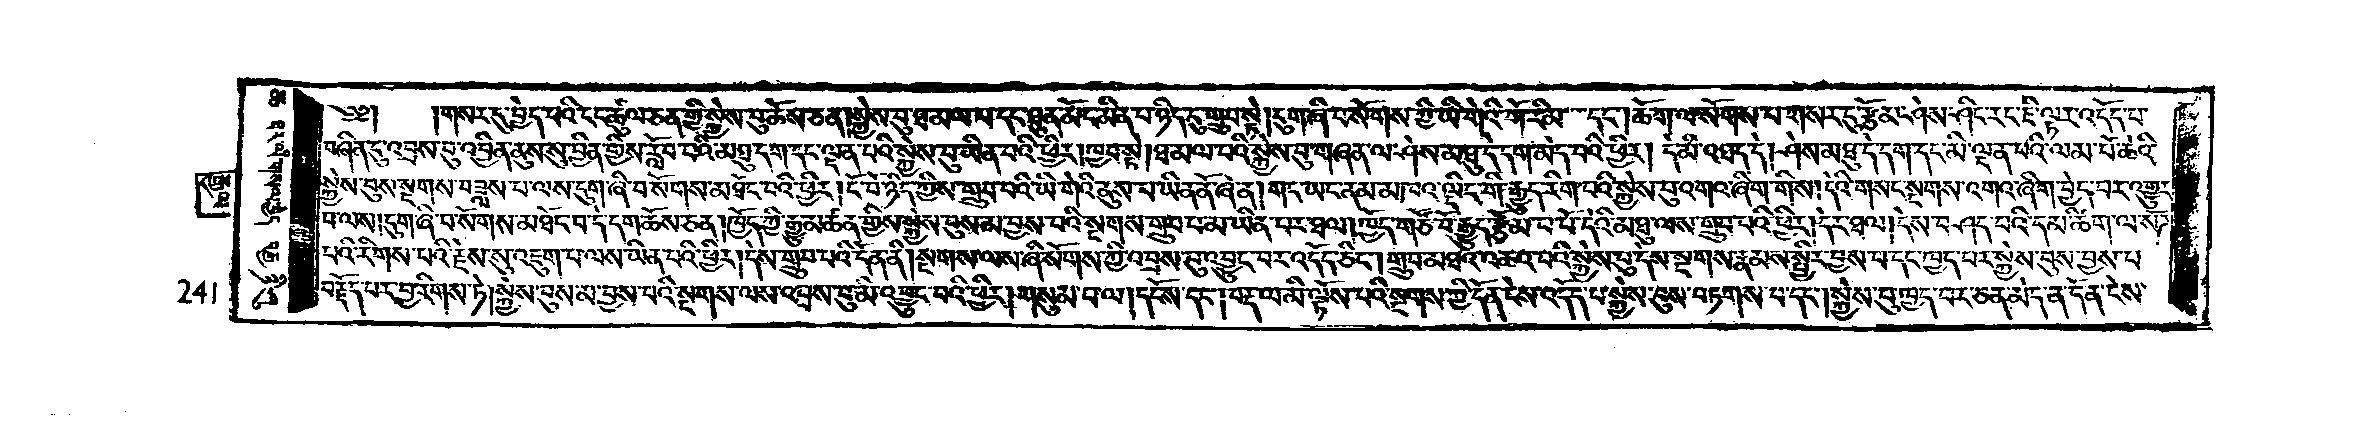༄༅། །གསར་དུ་བྱེད་པའི་ངང་ཚུལ་ཅན་གྱི་སྐྱེས་བུ་ཆོས་ཅན། སྐྱེས་བུ་ཐ་མལ་པ་དང་ཐུན་མོང་མིན་པ་ཉིད་དུ་གྲུབ་སྟེ། དུག་ཞི་བ་སོགས་ཀྱི་ཡི་གེའི་གོ་རིམ་དང་། ཆོ་ག་ལ་སོགས་པ་གསར་དུ་རྩོམ་ཤེས་ཤིང་རང་ཇི་ལྟར་འདོད་པ་
བཞིན་དུ་འབྲས་བུ་འབྱིན་ནུས་སུ་བྱིན་གྱིས་རློབ་པའི་མཐུ་དག་དང་ལྡན་པའི་སྐྱེས་བུ་ཡིན་པའི་ཕྱིར། ཁྱབ་སྟེ། ཐ་མལ་པའི་སྐྱེས་བུ་གཞན་ལ་ཤེས་མཐུ་དེ་དག་མེད་པའི་ཕྱིར། དེ་མི་འཐད་དེ། ཤེས་མཐུ་དེ་དག་དང་མི་ལྡན་པའི་ལམ་པོ་ཆེའི་
སྐྱེས་བུས་སྔགས་བཟླས་པ་ལས་དུག་ཞི་བ་སོགས་མཐོང་བའི་ཕྱིར། ངོ་བོ་ཉིད་ཀྱིས་གྲུབ་པའི་ཡི་གེའི་ནུས་པ་ཡིན་ནོ་ཞེ་ན། གང་ཡང་ནམ་མཁའ་ལྡིང་གི་རྒྱུད་རིག་པའི་སྐྱེས་བུ་འགའ་ཞིག་གིས། དེའི་གསང་སྔགས་འགའ་ཞིག་བྱེད་པར་འགྱུར་
བ་ལས། དུག་ཞི་བ་སོགས་མཐོང་བ་དེ་དག་ཆོས་ཅན། ཁྱོད་ཀྱི་རྒྱུ་མཚན་གྱིས་སྐྱེས་བུས་མ་བྱས་པའི་སྔགས་གྲུབ་པ་མ་ཡིན་པར་ཐལ། ཁྱོད་གཙོ་བོ་རྒྱུད་རྩོམ་པ་པོ་དེའི་མཐུ་ལས་གྲུབ་པའི་ཕྱིར། དེར་ཐལ། དེས་བཤད་པའི་དམ་ཚིག་ལ་སོགས་
པའི་རིགས་པའི་རྗེས་སུ་འཇུག་པ་ལས་ཡིན་པའི་ཕྱིར། དེས་གྲུབ་པའི་དོན་ནི། སྔགས་ལས་ཞི་སོགས་ཀྱི་འབྲས་བུ་འབྱུང་བར་འདོད་ཅིང་། གྲུབ་མཐའ་འཆའ་བའི་སྐྱེས་བུ་དེས་སྔགས་རྣམས་སྤྱིར་བྱས་པ་དང་ཁྱད་པར་སྐྱེས་བུས་བྱས་པ་
བརྗོད་པར་བྱ་རིགས་ཏེ། སྐྱེས་བུས་མ་བྱས་པའི་སྔགས་ལས་འབྲས་བུ་མི་འབྱུང་བའི་ཕྱིར། གསུམ་པ་ལ། དངོས་དང་། བརྡ་ལ་མི་ལྟོས་པའི་སྔགས་ཀྱི་དོན་ངེས་འདོད་པ་སྐྱེས་བུས་བཏགས་པ་དང་། སྐྱེས་བུ་ཁྱད་པར་ཅན་མེད་ན་དོན་ངེས་